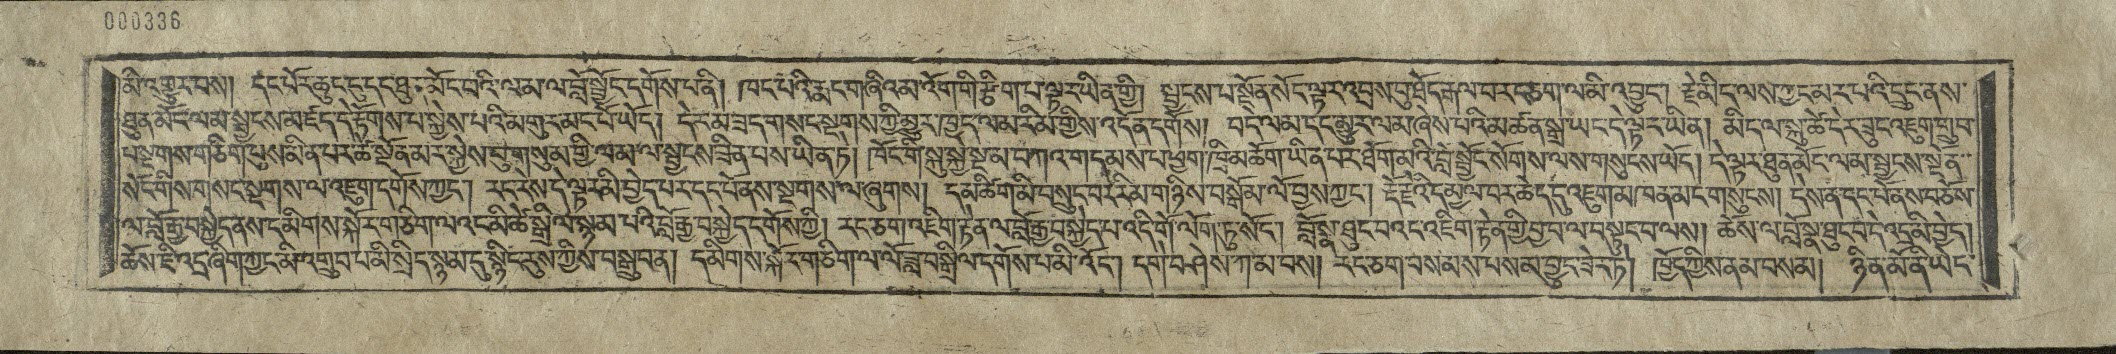མི་འགྱུར་བས། དང་པོར་ཆུང་ངུ་དང་ཐུན་མོང་བའི་ལམ་ལ་བློ་སྦྱོང་དགོས་པ་ནི། ཁང་པའི་རྨང་གཞིའམ་འོག་གི་རྩིག་པ་ལྟར་ཡིན་གྱི། སྦྱངས་པ་སྔོན་སོང་ལྟར་འབྲས་བུ་ཐོད་རྒལ་བ་རང་ཅག་ལ་མི་འབྱུང་། རྗེ་མིད་ལས་ཀྱང་མར་པའི་དྲུང་ནས་
ཐུན་མོང་ལམ་སྦྱངས་མཛད་དེ་རྟོགས་པ་སྐྱེས་པའི་མགུར་མང་པོ་ཡོད། དེར་མ་ཟད་གསང་སྔགས་ཀྱི་མྱུར་ཁྱད་ལམ་རིམ་གྱིས་འདོན་དགོས། བདེ་ལམ་དང་མྱུར་ལམ་ཞེས་པའི་མཚན་སྒྲ་ཡང་དེ་ལྟར་ཡིན། མིད་ལ་སྐུ་ཚེ་དེར་ཟུང་འཇུག་གྲུབ་
པ་སྔགས་གཅིག་པུས་མིན་པར་ཚེ་སྔོན་མར་སྐྱེས་བུ་གསུམ་གྱི་ལམ་ལ་སྦྱངས་ཟིན་པས་ཡིན་ཏེ། ཁོང་གི་སྐུ་སྐྱེ་སྔ་མ་བཀའ་གདམས་པ་ཕྱག་ཁྲི་མཆོག་ཡིན་པར་ཐོག་མའི་བློ་སྦྱོང་སོགས་ལས་གསུངས་ཡོད། དེ་ལྟར་ཐུན་མོང་ལམ་སྦྱངས་སྔོན་
སོང་གིས་གསང་སྔགས་ལ་འཇུག་དགོས་ཀྱང་། རང་རེས་དེ་ལྟར་མི་བྱེད་པར་དང་པོ་ནས་སྔགས་ལ་ཞུགས། དམ་ཚིག་མི་བསྲུང་བར་རིམ་གཉིས་བསྒོམ་ལོ་བྱས་ཀྱང་། རྡོ་རྗེའི་དམྱལ་བར་ཆེད་དུ་འཇུག་མཁན་མང་གསུངས། དེས་ན་དང་པོ་ནས་བཅོས་
ལ་བློ་རྒྱ་བསྐྱེད་ནས་དམིགས་སྐོར་གཅིག་ལའང་མི་ཚེ་སྒྲིལ་སྙམ་པའི་བློ་རྒྱ་བསྐྱེད་དགོས་ཀྱི། རང་ཅག་འཇིག་རྟེན་ལ་བློ་རྒྱ་བསྐྱེད་པ་འདི་གོ་ལོག་ཏུ་སོང་། བློ་སྣ་ཐུང་བའང་འཇིག་རྟེན་གྱི་བྱ་བ་ལ་བསྟུང་བ་ལས། ཆོས་ལ་བློ་སྣ་ཐུང་བ་དེ་འདྲ་མི་བྱེད།
ཆོས་ཇི་འདྲ་ཞིག་ཀྱང་མི་འགྲུབ་པ་མི་སྲིད་སྙམ་དུ་སྙིང་རུས་ཀྱིས་བསྒྲུབ་ན། དམིགས་སྐོར་གཅིག་ལ་ལོ་ཟླ་བསྒྲིལ་དགོས་པ་མི་འོང་། དགེ་བཤེས་ཀ་མ་བས། རང་ཅག་བསམས་པས་མ་བྱུང་ཟེར་ཏེ། ཁྱོད་ཀྱིས་ནམ་བསམ། ཉིན་མོ་ནི་ཡེང་